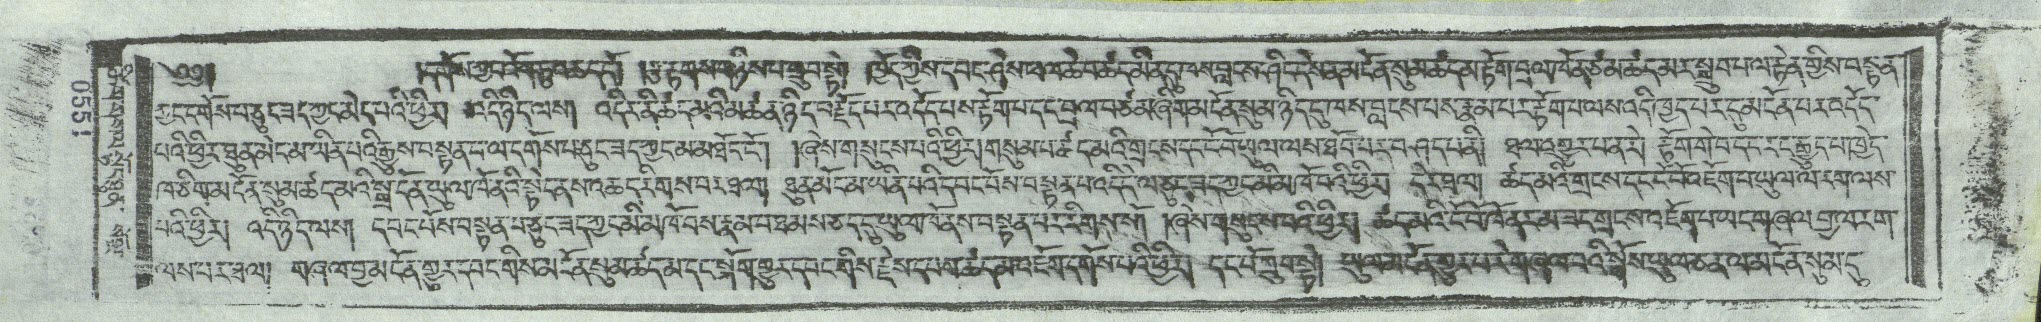༄༅། །དགོས་ཀྱང་འོག་ཏུ་འཆད་དོ། །རྩ་རྟགས་གཉིས་པ་གྲུབ་སྟེ། ཁྱོད་ཀྱིས་དབང་ཤེས་ཕལ་ཆེ་བ་ཚད་མིན་དུ་ཁས་བླངས་ཤིང་དེས་ན་མངོན་སུམ་ཚད་མ་རྟོག་བྲལ་ཁོ་ན་ཙམ་ཚད་མར་སྒྲུབ་པ་ལ་རྟེན་གྱིས་བསྟན་
ཀྱང་དགོས་པ་ཅུང་ཟད་ཀྱང་མེད་པའི་ཕྱིར། འདི་ཉིད་ལས། འདིར་ནི་ཚད་མའི་མཚན་ཉིད་བརྗོད་པར་འདོད་པས་རྟོག་པ་དང་བྲལ་བ་ཙམ་ཞིག་མངོན་སུམ་ཉིད་དུ་ཁས་བླངས་པས་རྣམ་པར་རྟོག་པ་ལས་འདི་ཁྱད་པར་དུ་མངོན་པར་འདོད་
པའི་ཕྱིར་ཐུན་མེད་མ་ཡིན་པའི་རྒྱུས་བསྟན་པ་ལ་དགོས་པ་ཅུང་ཟད་ཀྱང་མ་མཐོང་ངོ། །ཞེས་གསུངས་པའི་ཕྱིར། གསུམ་པ་ཚད་མའི་གྲངས་དང་ངོ་བོ་ཡུལ་ལས་ཐོབ་པར་བཤད་པ་ནི། ཐལ་འགྱུར་པ་ན་རེ། རྟོག་གེ་བ་དང་རང་རྒྱུད་པ་ཁྱེད་
ཁ་ཅིག་མངོན་སུམ་ཚད་མའི་སྒྲ་དོན་ཡུལ་ཁོ་ནའི་སྟེང་ནས་འཆད་རིགས་པར་ཐལ། ཐུན་མོང་མ་ཡིན་པའི་དབང་པོས་བསྟན་པ་འདི་དེ་ལ་ཅུང་ཟད་ཀྱང་མི་མཁོ་བའི་ཕྱིར། དེར་ཐལ། ཚད་མའི་གྲངས་དང་ངོ་བོ་འཇོག་པ་ཡུལ་ལ་རག་ལས་
པའི་ཕྱིར། འདི་ཉིད་ལས། དབང་པོས་བསྟན་པ་ཅུང་ཟད་ཀྱང་མི་མཁོ་བས་རྣམ་པ་ཐམས་ཅད་དུ་ཡུལ་ཁོ་ནས་བསྟན་པར་རིགས་སོ། །ཞེས་གསུངས་པའི་ཕྱིར། ཚད་མའི་ངོ་བོ་ཁོ་ནར་མ་ཟད་གྲངས་འཇོག་པ་ཡང་གཞལ་བྱ་ལ་རག་
ལས་པར་ཐལ། གཞལ་བྱ་མངོན་གྱུར་དབང་གིས་མངོན་སུམ་ཚད་མ་དང་སྐོག་གྱུར་དབང་གིས་རྗེས་དཔག་ཚད་མ་འཇོག་དགོས་པའི་ཕྱིར། དང་པོ་གྲུབ་སྟེ། ཡུལ་མངོན་གྱུར་པ་རེ་གཞལ་བའི་སྒོས་ཡུལ་ཅན་ལ་མངོན་སུམ་དུ་